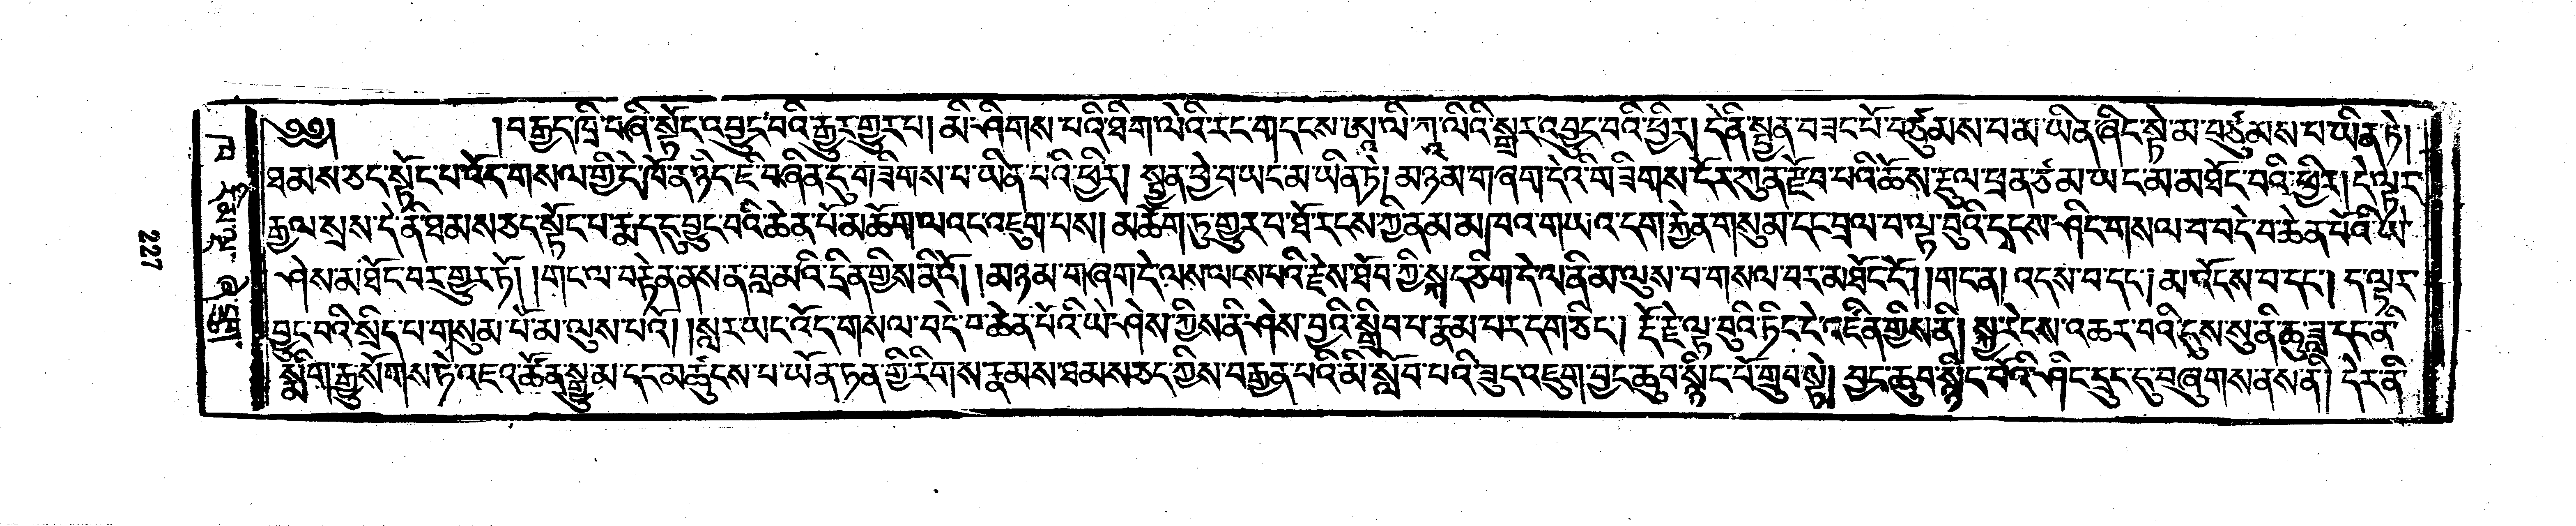༄༅། །བརྒྱད་ཁྲི་བཞི་སྟོང་འབྱུང་བའི་རྒྱུར་གྱུར་པ། མི་ཤིགས་པའི་ཐིག་ལེའི་རང་གདངས་ཨཱ་ལི་ཀཱ་ལིའི་སྒྲར་འབྱུང་བའི་ཕྱིར། དེ་ནི་སྤྱན་བཟང་པོ་བཙུམས་པ་མ་ཡིན་ཞིང་སྟེ་མ་བཙུམས་པ་ཡིན་ཏེ།
ཐམས་ཅད་སྟོང་པ་འོད་གསལ་གྱི་དེ་ཁོ་ན་ཉིད་ཇི་བཞིན་དུ་གཟིགས་པ་ཡིན་པའི་ཕྱིར། སྤྱན་ཕྱེ་བ་ཡང་མ་ཡིན་ཏེ། མཉམ་གཞག་དེའི་གཟིགས་ངོར་ཀུན་རྫོབ་པའི་ཆོས་རྡུལ་ཕྲན་ཙམ་ཡང་མ་མཐོང་བའི་ཕྱིར། དེ་ལྟར་
རྒྱལ་སྲས་དེ་ནི་ཐམས་ཅད་སྟོང་པ་རྨད་དུ་བྱུང་བའི་ཆེན་པོ་མཆོག་ལའང་འཇུག་པས། མཆོག་ཏུ་གྱུར་པ་ཐོ་རངས་ཀྱི་ནམ་མཁའ་གཡའ་དག་རྐྱེན་གསུམ་དང་བྲལ་བ་ལྟ་བུའི་དྭངས་ཤིང་གསལ་བ་བདེ་བ་ཆེན་པོའི་ཡི་
ཤེས་མཐོང་བར་གྱུར་ཏོ། །གང་ལ་བརྟེན་ནས་ན་བླ་མའི་དྲིན་གྱིས་ནིའོ། །མཉམ་གཞག་དེ་ལས་ལངས་པའི་རྗེས་ཐོབ་ཀྱི་སྐད་ཅིག་དེ་ལ་ནི་མ་ལུས་པ་གསལ་བར་མཐོང་ངོ། །གང་ན། འདས་པ་དང་། མ་འོངས་པ་དང་། ད་ལྟར་
བྱུང་བའི་སྲིད་པ་གསུམ་པོ་མ་ལུས་པའོ། །སླར་ཡང་འོད་གསལ་བདེ་བ་ཆེན་པོའི་ཡེ་ཤེས་ཀྱིས་ནི་ཤེས་བྱའི་སྒྲིབ་པ་རྣམ་པར་དག་ཅིང་། རྡོ་རྗེ་ལྟ་བུའི་ཏིང་ངེ་འཛིན་གྱིས་ནི། སྐྱ་རེངས་འཆར་བའི་དུས་སུ་ནི་ཆུ་ཟླ་དང་ནི་
སྨིག་རྒྱུ་སོགས་ཏེ་འཇའ་ཚོན་སྒྱུ་མ་དང་མཚུངས་པ་ཡོན་ཏན་གྱི་རིགས་རྣམས་ཐམས་ཅད་ཀྱིས་བརྒྱན་པའི་མི་སློབ་པའི་ཟུང་འཇུག་བྱང་ཆུབ་སྙིང་པོ་གྲུབ་སྟེ། བྱང་ཆུབ་སྙིང་པོའི་ཤིང་དྲུང་དུ་བཞུགས་ནས་ནི། དེར་ནི་